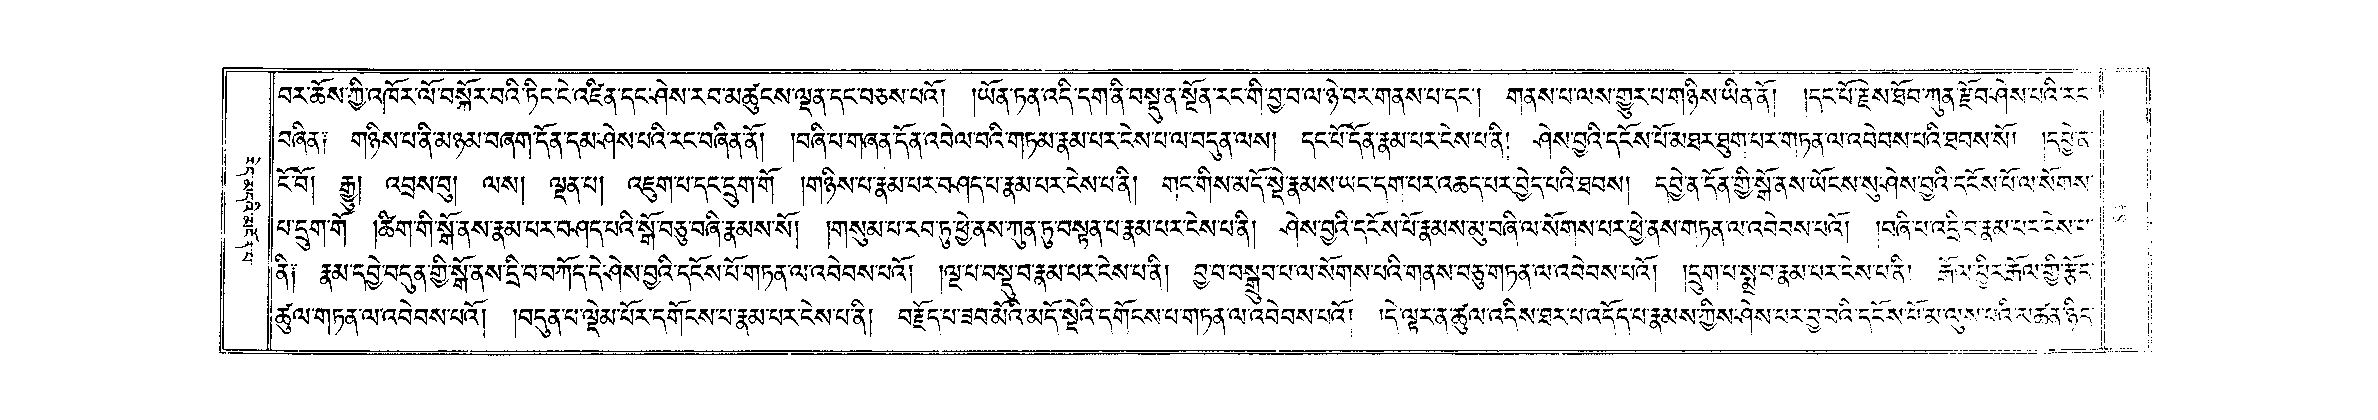བར་ཆོས་ཀྱི་འཁོར་ལོ་བསྐོར་བའི་ཏིང་ངེ་འཛིན་དང་ཤེས་རབ་མཚུངས་ལྡན་དང་བཅས་པའོ། །ཡོན་ཏན་འདི་དག་ནི་བསྡུ་ན་སྔོན་རང་གི་བྱ་བ་ལ་ཉེ་བར་གནས་པ་དང་། གནས་པ་ལས་གྱུར་པ་གཉིས་ཡིན་ནོ། །དང་པོ་རྗེས་ཐོབ་ཀུན་རྫོབ་ཤེས་པའི་རང་
བཞིན༑ གཉིས་པ་ནི་མཉམ་བཞག་དོན་དམ་ཤེས་པའི་རང་བཞིན་ནོ། །བཞི་པ་གཞན་དོན་འབེལ་བའི་གཏམ་རྣམ་པར་ངེས་པ་ལ་བདུན་ལས། དང་པོ་དོན་རྣམ་པར་ངེས་པ་ནི། ཤེས་བྱའི་དངོས་པོ་མཐར་ཐུག་པར་གཏན་ལ་འབེབས་པའི་ཐབས་སོ། །དབྱེ་ན་
ངོ་བོ། རྒྱུ། འབྲས་བུ། ལས། ལྡན་པ། འཇུག་པ་དང་དྲུག་གོ །གཉིས་པ་རྣམ་པར་བཤད་པ་རྣམ་པར་ངེས་པ་ནི། གང་གིས་མདོ་སྡེ་རྣམས་ཡང་དག་པར་འཆད་པར་བྱེད་པའི་ཐབས། དབྱེ་ན་དོན་གྱི་སྒོ་ནས་ཡོངས་སུ་ཤེས་བྱའི་དངོས་པོ་ལ་སོགས་
པ་དྲུག་གོ །ཚིག་གི་སྒོ་ནས་རྣམ་པར་བཤད་པའི་སྒོ་བཅུ་བཞི་རྣམས་སོ། །གསུམ་པ་རབ་ཏུ་ཕྱེ་ནས་ཀུན་ཏུ་བསྟན་པ་རྣམ་པར་ངེས་པ་ནི། ཤེས་བྱའི་དངོས་པོ་རྣམས་མུ་བཞི་ལ་སོགས་པར་ཕྱེ་ནས་གཏན་ལ་འབེབས་པའོ། །བཞི་པ་འདྲི་བ་རྣམ་པར་ངེས་པ་
ནི༑ རྣམ་དབྱེ་བདུན་གྱི་སྒོ་ནས་དྲི་བ་བཀོད་དེ་ཤེས་བྱའི་དངོས་པོ་གཏན་ལ་འབེབས་པའོ། །ལྔ་པ་བསྡུ་བ་རྣམ་པར་ངེས་པ་ནི། བྱ་བ་བསྒྲུབ་པ་ལ་སོགས་པའི་གནས་བཅུ་གཏན་ལ་འབེབས་པའོ། །དྲུག་པ་སྨྲ་བ་རྣམ་པར་ངེས་པ་ནི། རྒོལ་ཕྱིར་རྒོལ་གྱི་རྩོད་
ཚུལ་གཏན་ལ་འབེབས་པའོ། །བདུན་པ་ལྡེམ་པོར་དགོངས་པ་རྣམ་པར་ངེས་པ་ནི། བརྗོད་པ་ཟབ་མོའི་མདོ་སྡེའི་དགོངས་པ་གཏན་ལ་འབེབས་པའོ། །དེ་ལྟར་ན་ཚུལ་འདིས་ཐར་པ་འདོད་པ་རྣམས་ཀྱིས་ཤེས་པར་བྱ་བའི་དངོས་པོ་མ་ལུས་པའི་མཚན་ཉིད་